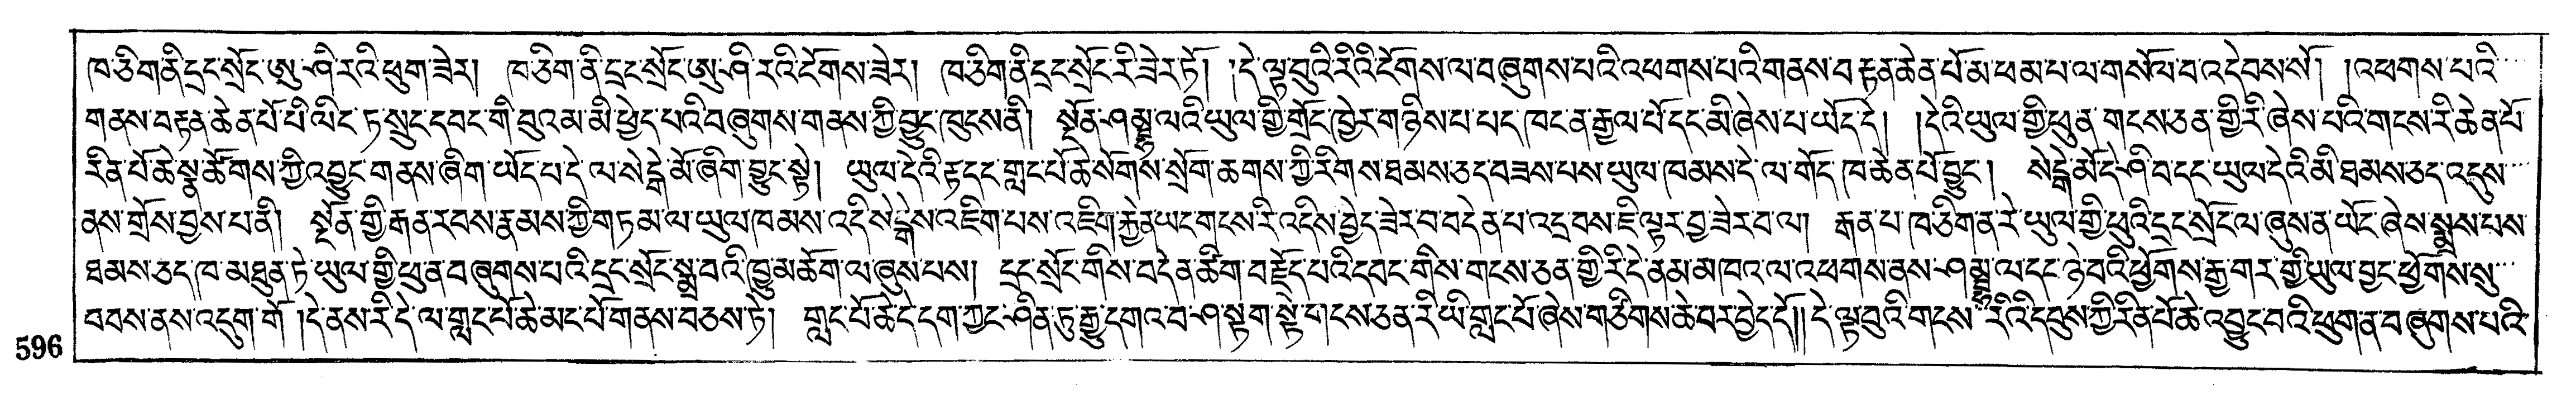ཁ་ཅིག་ནི་དྲང་སྲོང་ཨུ་ཤི་རའི་ཕུག་ཟེར། ཁ་ཅིག་ནི་དྲང་སྲོང་ཨུ་ཤི་རའི་ངོགས་ཟེར། ཁ་ཅིག་ནི་དྲང་སྲོང་རི་ཟེར་ཏོ། །དེ་ལྟ་བུའི་རིའི་ངོགས་ལ་བཞུགས་པའི་འཕགས་པའི་གནས་བརྟན་ཆེན་པོ་མ་ཕམ་པ་ལ་གསོལ་བ་འདེབས་སོ། །འཕགས་པའི་
གནས་བརྟན་ཆེན་པོ་པི་ལིང་ཏ་སྲུང་དབང་གི་བུའམ་མི་ཕྱེད་པའི་བཞུགས་གནས་ཀྱི་བྱུང་ཁུངས་ནི། སྔོན་ཤམྦྷ་ལའི་ཡུལ་གྱི་གྲོང་ཁྱེར་གཉིས་པ་པད་ཁང་ན་རྒྱལ་པོ་དང་མི་ཞེས་པ་ཡོད་དོ། །དེའི་ཡུལ་གྱི་ཕུན་གངས་ཅན་གྱི་རི་ཞེས་པའི་གངས་རི་ཆེན་པོ་
རིན་པོ་ཆེ་སྣ་ཚོགས་ཀྱི་འབྱུང་གནས་ཞིག་ཡོད་པ་དེ་ལ་སེངྒེ་མོ་ཞིག་བྱུང་སྟེ། ཡུལ་དེའི་རྟ་དང་གླང་པོ་ཆེ་སོགས་སྲོག་ཆགས་ཀྱི་རིགས་ཐམས་ཅད་བཟས་པས་ཡུལ་ཁམས་དེ་ལ་གོང་ཁ་ཆེན་པོ་བྱུང་། སེངྒེ་མོ་དེ་ཤི་བ་དང་ཡུལ་དེའི་མི་ཐམས་ཅད་འདུས་
ནས་གྲོས་བྱས་པ་ནི། སྔོན་གྱི་རྒན་རབས་རྣམས་ཀྱི་གཏམ་ལ་ཡུལ་ཁམས་འདི་སེངྒེས་འཇིག་པས་འཇིག་རྐྱེན་ཡང་གངས་རི་འདིས་བྱེད་ཟེར་བ་བདེན་པ་འདྲ་བས་ཇི་ལྟར་བྱ་ཟེར་བ་ལ། རྒན་པ་ཁ་ཅིག་ན་རེ་ཡུལ་གྱི་ཕུའི་དྲང་སྲོང་ལ་ཞུས་ན་ཡོང་ཞེས་སྨྲས་པས་
ཐམས་ཅད་ཁ་མཐུན་ཏེ་ཡུལ་གྱི་ཕུ་ན་བཞུགས་པའི་དྲང་སྲོང་སྨྲ་བའི་ཁྱུ་མཆོག་ལ་ཞུས་པས། དྲང་སྲོང་གིས་བདེན་ཚིག་བརྗོད་པའི་དབང་གིས་གངས་ཅན་གྱི་རི་དེ་ནམ་མཁའ་ལ་འཕགས་ནས་ཤམྦྷ་ལ་དང་ཉེ་བའི་ཕྱོགས་རྒྱ་གར་གྱི་ཡུལ་བྱང་ཕྱོགས་སུ་
བབས་ནས་འདུག་གོ །དེ་ནས་རི་དེ་ལ་གླང་པོ་ཆེ་མང་པོ་གནས་བཅས་ཏེ། གླང་པོ་ཆེ་དེ་དག་ཀྱང་ཤིན་ཏུ་རྒྱུ་དགའ་བ་ཤ་སྟག་སྟེ་གངས་ཅན་རི་ཡི་གླང་པོ་ཞེས་གཙིགས་ཆེ་བར་བྱེད་དོ། །དེ་ལྟ་བུའི་གངས་རིའི་དབུས་ཀྱི་རིན་པོ་ཆེ་འབྱུང་བའི་ཕུག་ན་བཞུགས་པའི་